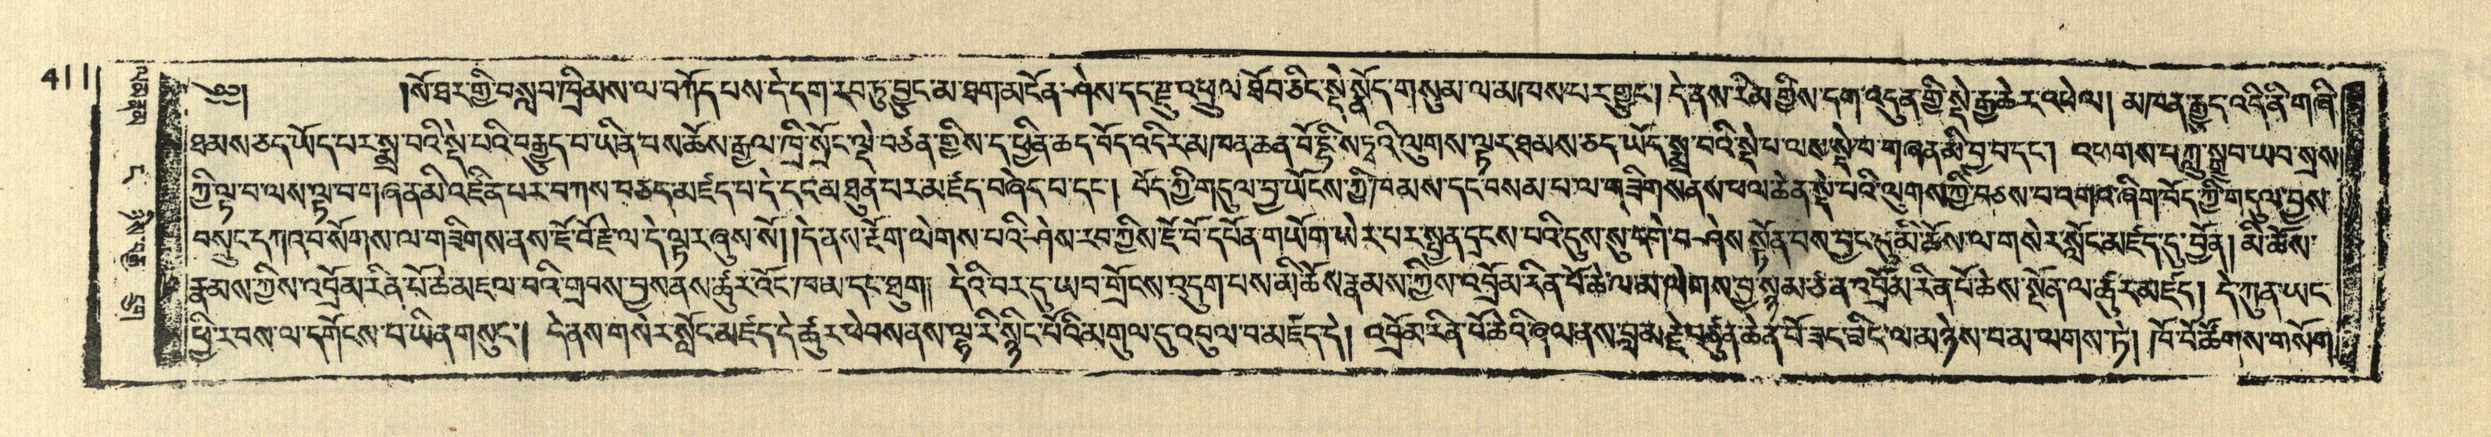༄༅། །སོ་ཐར་གྱི་བསླབ་ཁྲིམས་ལ་བཀོད་པས་དེ་དག་རབ་ཏུ་བྱུང་མ་ཐག་མངོན་ཤེས་དང་རྫུ་འཕྲུལ་ཐོབ་ཅིང་སྡེ་སྣོད་གསུམ་ལ་མཁས་པར་གྱུར། དེ་ནས་རིམ་གྱིས་དགེ་འདུན་གྱི་སྡེ་རྒྱ་ཆེར་འཕེལ། མཁན་རྒྱུད་འདི་ནི་གཞི་
ཐམས་ཅད་ཡོད་པར་སྨྲ་བའི་སྡེ་པའི་བརྒྱུད་པ་ཡིན་པས་ཆོས་རྒྱལ་ཁྲི་སྲོང་ལྡེ་བཙན་གྱིས་ད་ཕྱིན་ཆད་བོད་འདིར་མཁན་ཆན་བོ་དྷི་སཏྭའི་ལུགས་ལྟར་ཐམས་ཅད་ཡོད་སྨྲ་བའི་སྡེ་པ་ལས་སྡེ་པ་གཞན་མི་བྱ་བ་དང་། འཕགས་པ་ཀླུ་སྒྲུབ་ཡབ་སྲས་
ཀྱི་ལྟ་བ་ལས་ལྟ་བ་གཞན་མི་འཛིན་པར་བཀས་བཅད་མཛད་པ་དེ་དང་མཐུན་པར་མཛད་བཞེད་པ་དང་། བོད་ཀྱི་གདུལ་བྱ་ཡོངས་ཀྱི་ཁམས་དང་བསམ་པ་ལ་གཟིགས་ནས་ཕལ་ཆེན་སྡེ་པའི་ལུགས་ཀྱི་བཅས་པ་འགའ་ཞིག་བོད་ཀྱི་གདུལ་བྱས་
བསྲུང་དཀའ་བ་སོགས་ལ་གཟིགས་ནས་ཇོ་བོ་རྗེ་ལ་དེ་ལྟར་ཞུས་སོ། །དེ་ནས་རྔོག་ལེགས་པའི་ཤེས་རབ་ཀྱིས་ཇོ་བོ་དཔོན་གཡོག་ཡེར་པར་སྤྱན་དྲངས་པའི་དུས་སུ་དགེ་བཤེས་སྟོན་པས་བྱང་དུ་མི་ཆོས་ལ་གསེར་སློང་མཛད་དུ་བྱོན། མི་ཆོས་
རྣམས་ཀྱིས་འབྲོམ་རིན་པོ་ཆེ་མཇལ་བའི་གྲབས་བྱས་ནས་ཚུར་འོང་ཁམ་དང་ཐུག། དེའི་བར་དུ་ཡབ་གྲོངས་འདུག་པས་མི་ཆོས་རྣམས་ཀྱིས་འབྲོམ་རིན་པོ་ཆེ་ལ་མ་ལེགས་བྱ་སྙམ་ཙ་ན་འབྲོམ་རིན་པོ་ཆེས་སྔོན་ལ་ཚུར་མཛད། དེ་ཀུན་ཡང་
ཕྱི་རབས་ལ་དགོངས་བ་ཡིན་གསུང་། དེ་ནས་གསེར་སློང་མཛད་དེ་ཚུར་ཕེབས་ནས་ལྷ་རི་སྙིང་པོའི་མགུལ་དུ་འབུལ་བ་མཛད་དེ། འབྲོམ་རིན་པོ་ཆེའི་ཞལ་ནས་བླ་མ་རྗེ་བཙུན་ཆེན་པོ་ཟང་ཟིང་ལ་མཉེས་བ་མ་ལགས་ཏེ། ཁོ་བོ་ཚོགས་གསོག་